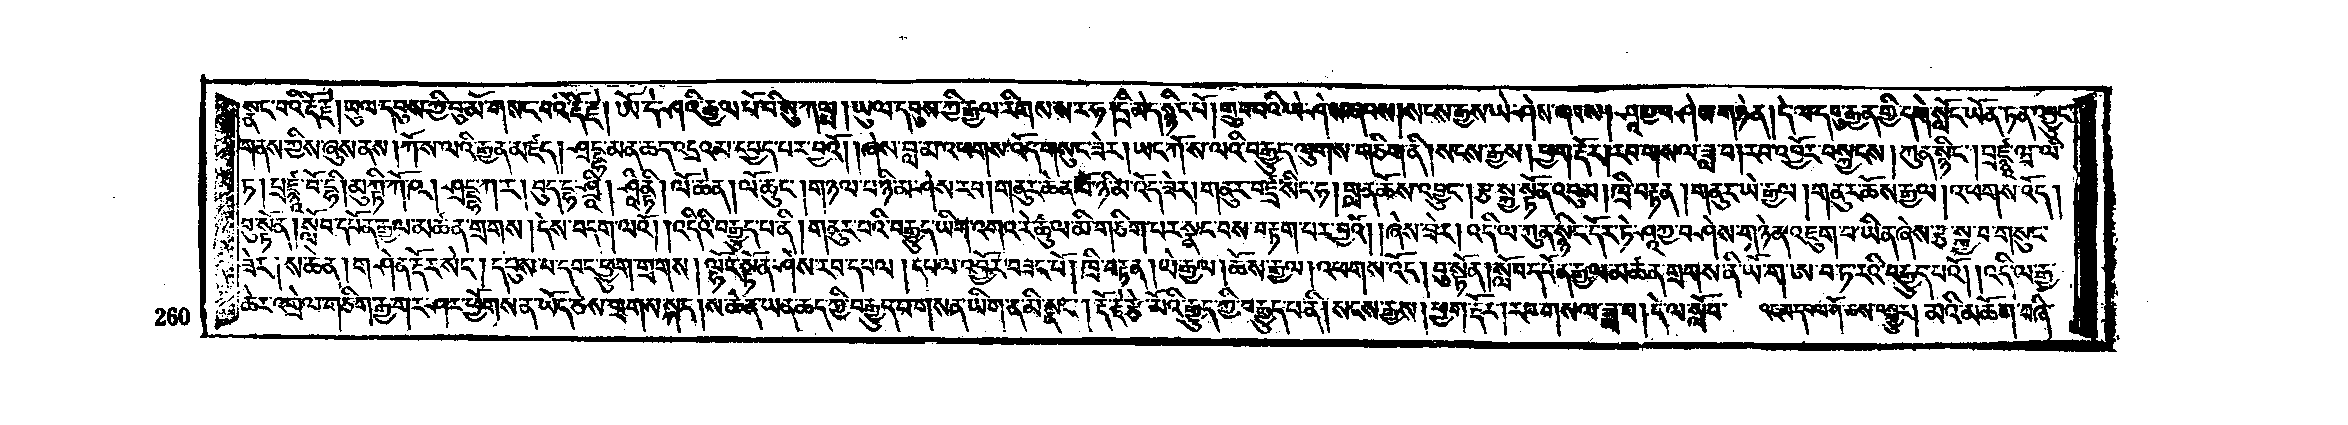སྣང་བའི་རྡོ་རྗེ། ཡུལ་དབུས་ཀྱི་བུ་མོ་གསང་བའི་རྡོ་རྗེ། ཨོ་དེ་ཤའི་གྱལ་པོ་བི་སུ་ཀལྤ། ཡུལ་དུས་ཀྱི་རྒྱལ་རིགས་ས་ར་ཧ་།དྲི་མེད་སྙིང་པོ། གྲུབ་པའི་ཡེ་ཤེ་ཞབས། སངས་རྒྱས་ཡེ་ཤེ་ཞབས། ཤཱཀྱ་བཤེས་གཉེན་།དེ་ལ་དབུ་རྒྱན་གྱི་དགེ་སློང་ཡོན་ཏན་འབྱུང་
གནས་ཀྱིས་ཞུས་ནས། ཀོ་ལ་ལའི་རྒྱན་མཛད། ཤྲདྡྷ་མན་ཆད་འདྲའམ་དཔྱད་པར་བྱའོ། །ཞེས་བླ་མ་འཕགས་འོད་གསུང་ཟེར། ཡང་གོ་ས་ལའི་བརྒྱུད་ལུགས་གཅིག་ནི། སངས་རྒྱས། ཕྱག་རྡོར། རབ་གསལ་ཟླ་བ། རབ་འབྱོར་བསྐྱངས། ཀུན་སྙིང་། པྲཛྙཱ་ཝ་ལི་
ཏ། པྲཛྙཱ་བོ་དྷི། མུཀྟི་ཀོ་ཥ། ཤྲདྡྷ་ཀ་ར། བུད་དྷ་ཤྲཱི། ཤཱིནྟི། ལོ་ཆེན་ལོ་ཆུང་། གཉལ་པ་ཉི་མ་ཤེས་རབ། གནུར་ཆེན་པོ་ཉིད་མ་འོད་ཟེར། གནུར་བཛྲ་སིང་ཧ། གླན་ཆོས་འབྱུང་། རྩ་སྐྱ་སྟོན་འབུམ། ཁྲི་བརྟན། གནུར་ཡེ་རྒྱལ། གནུར་ཆོས་རྒྱལ། འཕགས་འོད།
བུ་སྟོན། སློབ་དཔོན་རྒྱལ་མཚན་གྲགས། དེས་བདག་ལའོ། །འདིའི་བརྒྱུད་པ་ནི། གནུར་པའི་བརྒྱུད་ཡིག་འགའ་རེ་ཚུལ་མི་གཅིག་པར་སྣང་བས་བརྟག་པར་བྱའོ། །ཞེས་ཟེར། འདི་ལ་ཀུན་སྙིང་དོར་ཏེ་ཤཱཀྱ་བཤེས་གཉེན་འཇུག་པ་ཡིན་ཞེས་རྩ་སྐྱ་བ་གསུང་
ཟེར། ས་ཆེན། གཤེན་རྡོར་སེང་། དབུས་པ་དབང་ཕྱུག་གྲགས། ལྷོར་སྟོན་ཤེས་རབ་དཔལ། དཔལ་འབྱོར་བཟང་པོ། ཁྲི་བརྟན། ཡེ་རྒྱལ། ཆོས་རྒྱལ། འཕགས་འོད། བུ་སྟོན། སློབ་དཔོན་རྒྱལ་མཚན་གྲགས་ནི་ཡོ་ག་ཨ་བ་ཏ་རའི་བརྒྱུད་པའོ། །འདི་ལ་རྒྱ་
ཆར་འགྲེལ་གཅིག་རྒྱ་གར་ཤར་ཕྱོགས་ན་ཡོད་ཅེས་གྲགས་སྐད། ས་ཆེན་ཡན་ཆད་ཀྱི་བརྒྱུད་པ་གསན་ཡིག་ན་མི་སྣང་། རྡོ་རྗེ་རྩེ་མོའི་རྒྱུད་ཀྱི་བརྒྱུད་པ་ནི། སངས་རྒྱས། ཕྱག་རྡོར། རབ་གསལ་ཟླ་བ། དེ་ལ་སློབ། འཇམ་དཔལ་གོ་ཅས་བསྒྱུར། མའི་མཆོག་བཞི་